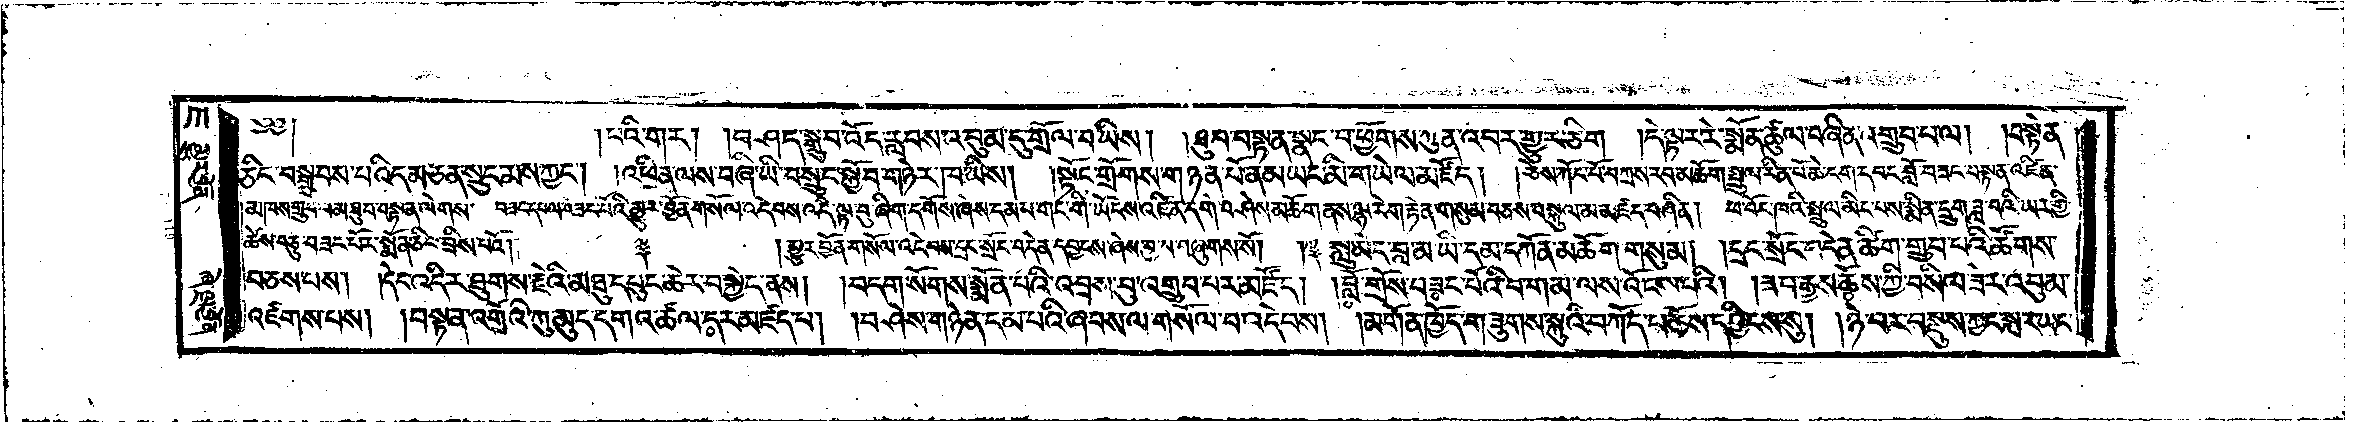༄༅། །པའི་གར། །བཤད་སྒྲུབ་འོད་རླབས་འབུམ་དུ་གྲོལ་བ་ཡིས། །ཐུབ་བསྟན་སྣང་བ་ཕྱོགས་ཀུན་འབར་གྱུར་ཅིག །དེ་ལྟར་རེ་སྨོན་ཚུལ་བཞིན་འགྲུབ་པ་ལ། །བསྟེན་
ཅིང་བསྒྲུབ་པའི་དམ་ཅན་སྲུང་མས་ཀྱང་། །འཕྲིན་ལས་བཞི་ཡི་བསྲུང་སྐྱོབ་གཉེར་ཁ་ཡིས། །སྟོང་གྲོགས་གཉན་པོ་ནམ་ཡང་མི་གཡེལ་མཛོད། །ཅེས་ཀོང་པོ་བཀྲས་རབ་མཆོག་སྤྲུལ་རིན་པོ་ཆེ་ངག་དབང་བློ་བཟང་བསྟན་འཛིན་
མཁས་གྲུབ་བམ་ཐུབ་བསྟན་ལེགས་བཟང་དཔལ་བཟང་པོའི་མྱུར་བྱོན་གསོལ་འདེབས་འདི་ལྟ་བུ་ཞིག་དགོས་ཞེས་དམ་པ་གང་གི་མོངས་འཛིན་དགེ་བཤེས་མཆོག་ནས་ལྷ་རེག་རྟེན་གསུམ་བཅས་བསྐུལ་མ་མཛད་བཞིན། ཕ་བོང་ཁའི་སྤྲུལ་མིང་པས་སྨིན་དྲུག་ཟླ་བའི་ཡར་གྱི་
ཚེས་བཅུ་བཟང་པོར་སྨོན་ཅིང་བྲིས་པའོ།། ༈ །།མྱུར་བྱོན་གསོལ་འདེབས་དྲང་སྲོང་བདེན་དབྱངས་ཞེས་བྱ་བ་བཞུགས་སོ། །༈ སླུ་མེད་བླ་མ་ཡི་དམ་དཀོན་མཆོག་གསུམ། །དྲང་སྲོང་བདེན་ཚིག་གྲུབ་པའི་ཚོགས་
བཅས་པས། །དེང་འདིར་ཐུགས་རྗེའི་མཐུ་དཔུང་ཆེར་བསྐྱེད་ནས། །བདག་སོགས་སྨོན་པའི་འབྲས་བུ་འགྲུབ་པར་མཛོད། །བློ་གྲོས་བཟང྾་པའི་བག་མ་ལས་འོངས་པའི། །ཟབ་རྒྱས་ཆོས྾་ཀྱི་བསིལ་ཟེར་འབུམ་
འཛག་པས། །བསྟན་འགྲོའི་ཀུ་མུད་དགའ་ཚལ྾་དར་མཛད་པ། །བཤེས་གཉེན་དམ་པའི་ཞབས་ལ་གསོལ་བ་འདེབས། །མགོན་ཁྱོད་གཟུགས་སྐུའི་བཀོད་པ་ཆོས་དབྱིངས་སུ། །ཉེ་བར་བསྡུས་ཀྱང་སླར་ཡང་